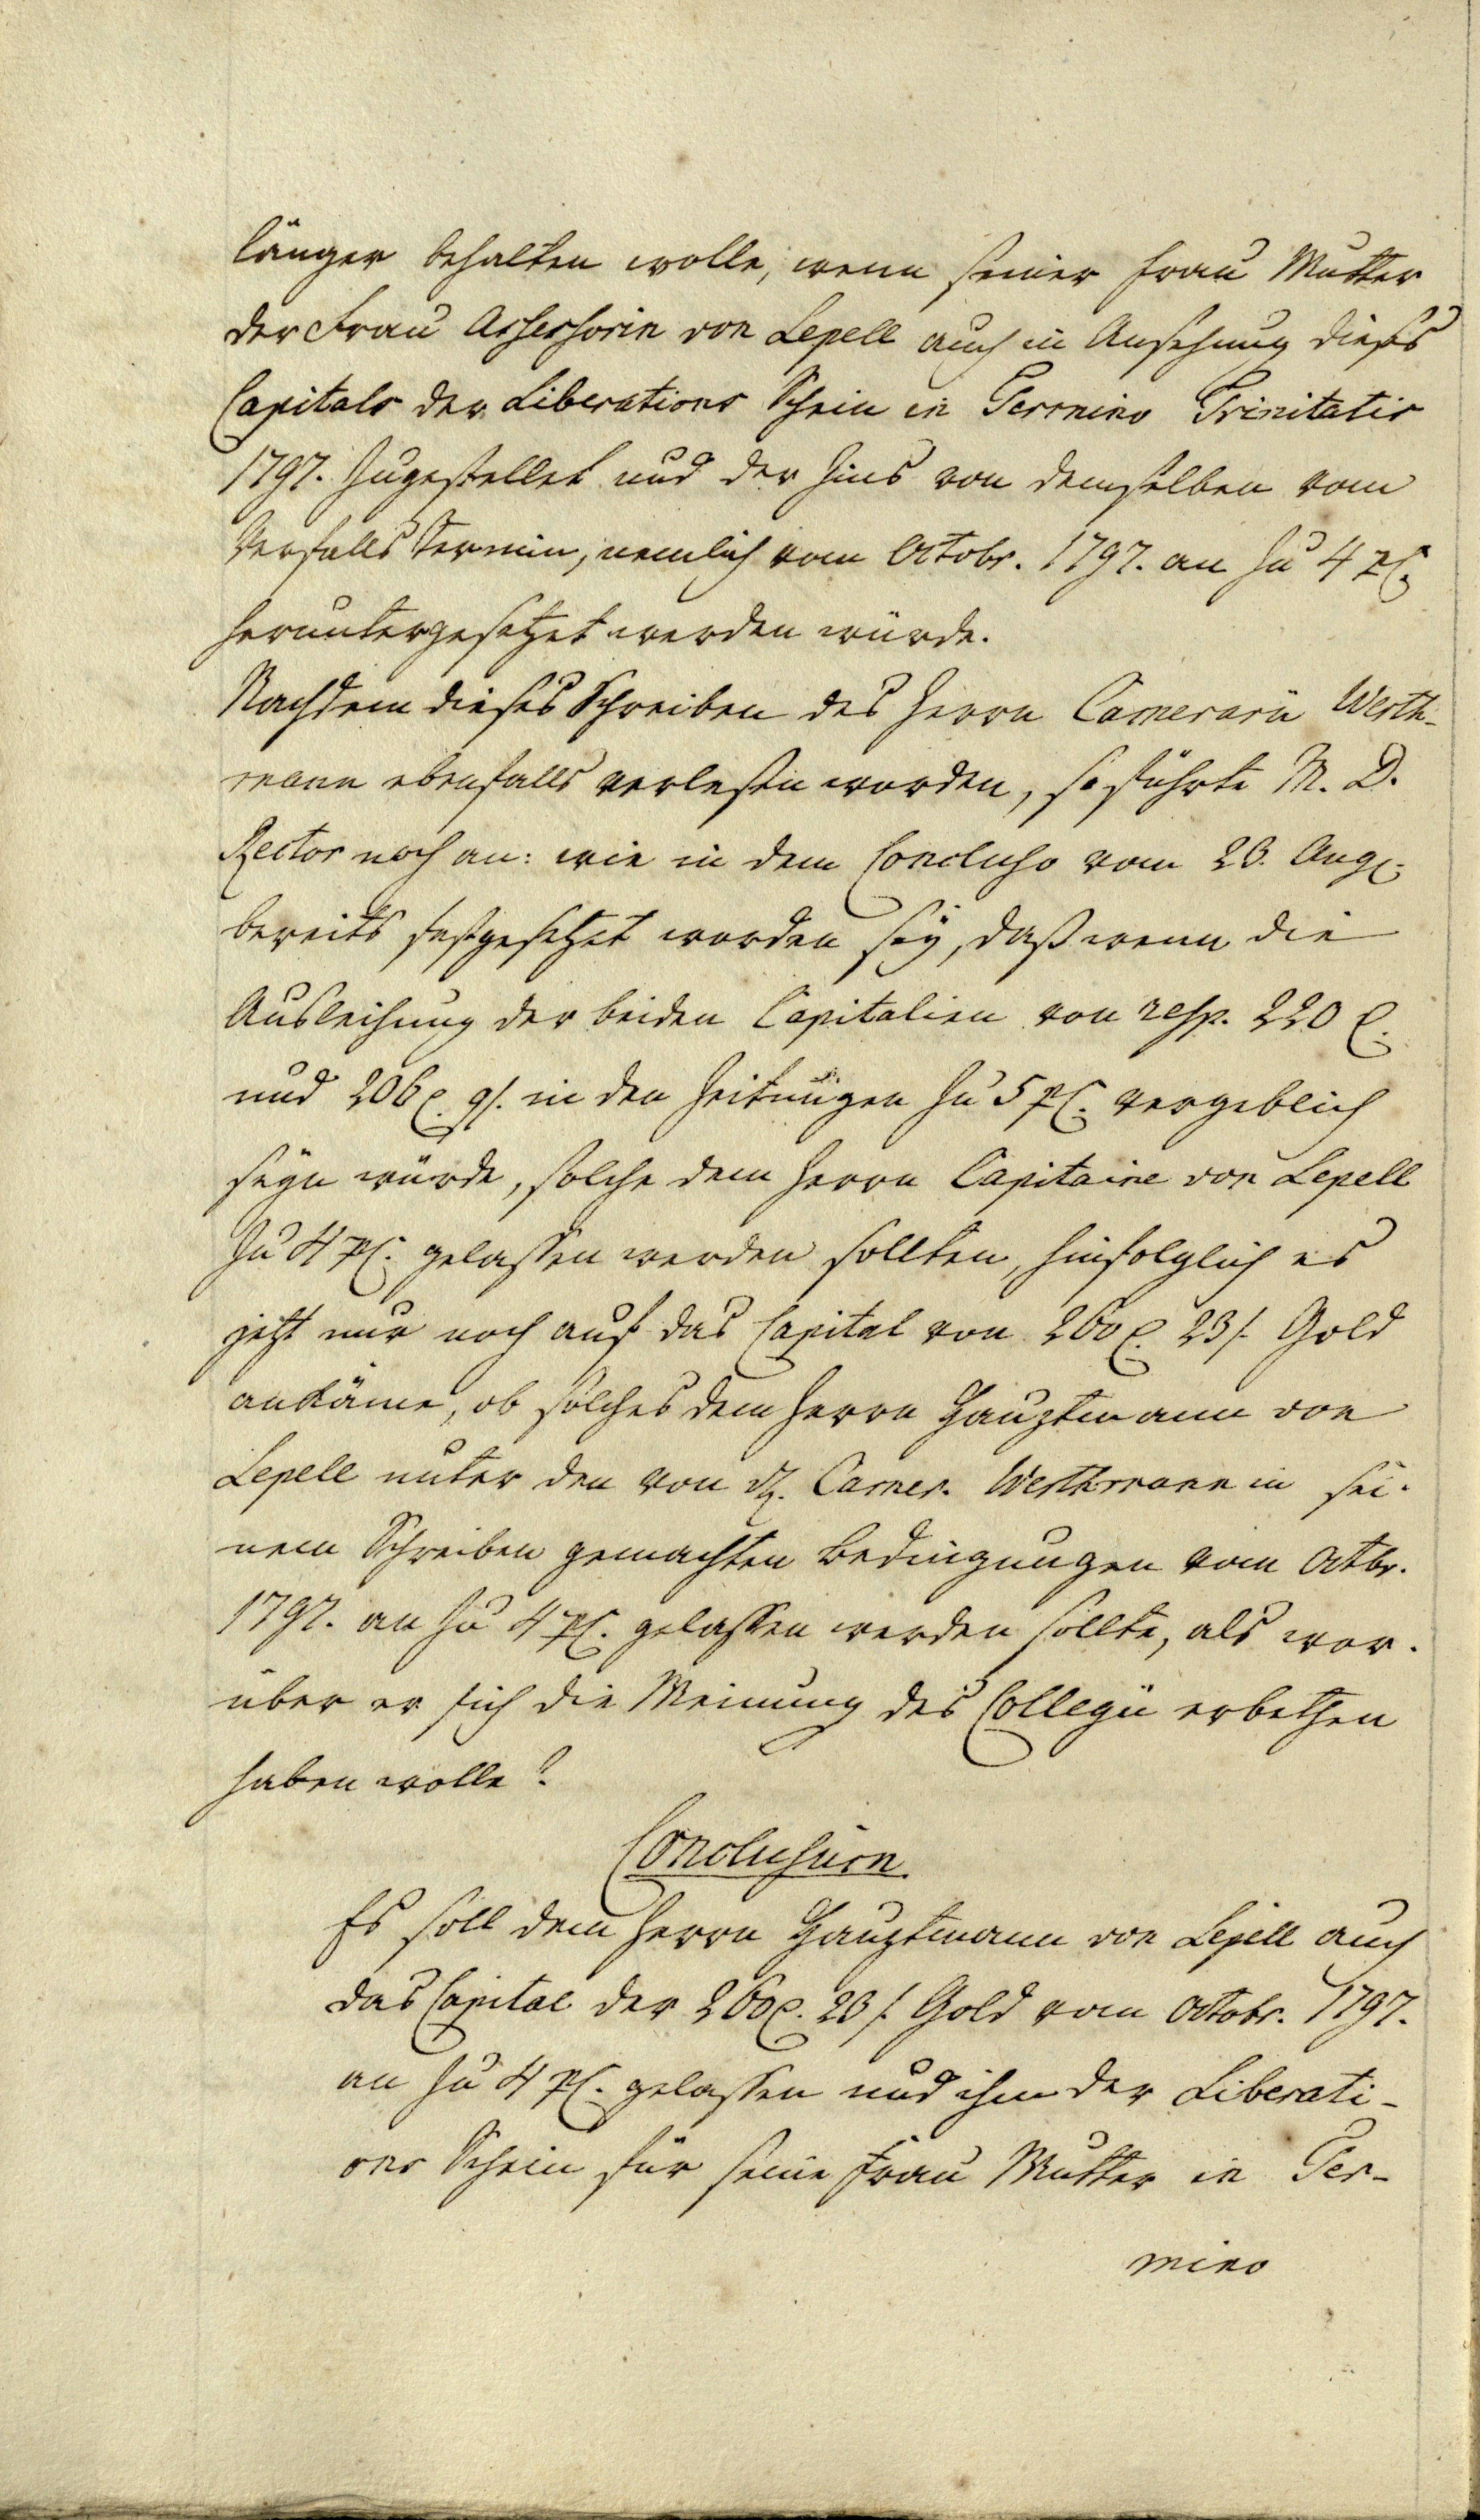länger behalten wolle, wenn seiner Frau Mutter
der Frau Assessorin von Lepell auch in Ansehung dieses
Capitals der Liberatioas Schein in Termino Trinitatis
1797. zugestellet und der Zins von demselben vom
Verfalls Termin, nemlich vom Octobr. 1797. an zu 4 pl.
heruntergesetzet werden würde.
Nachdem dieses Schreiben des Herrn Camerarii Werth¬
mann ebenfalls verlesen worden, so führte M. D.
Rector noch an: wie in dem Concluso vom 23 Aug.
bereits festgesetzet worden seÿ, daß wenn die
Ausleihung der beiden Capitalien von resp. 220 l.
und 206 l. 9 s. in den Zeitungen zu 5 pl. vergeblich
seÿn würde, solche dem Herrn Capctaine von Lepell
zu 4 pl. gelassen werden sollten, hinfolglich es
jetzt nur noch auf das Capital von 260 l. 23 s. Gold
ankäme, ob solches dem Herrn Hauptmann von
Lepell unter den von dh. Camer. Werthmann in sei¬
nem Schreiben gemachten Bedingungen vom Octbr.
1797. an zu 4 pl. gelassen werden sollte, als wor¬
über er sich die Meinung des Collegii erbethen
haben wolle ?
Conclusum
Es soll dem Herrn Hauptmann von Lepell auch
das Capital der 260 l. 23 s. Gold vom Octobr. 1797.
an zu 4 pl. gelassen und ihm der Liberati¬
ons Schein für seine Frau Mutter in Ter¬
mino